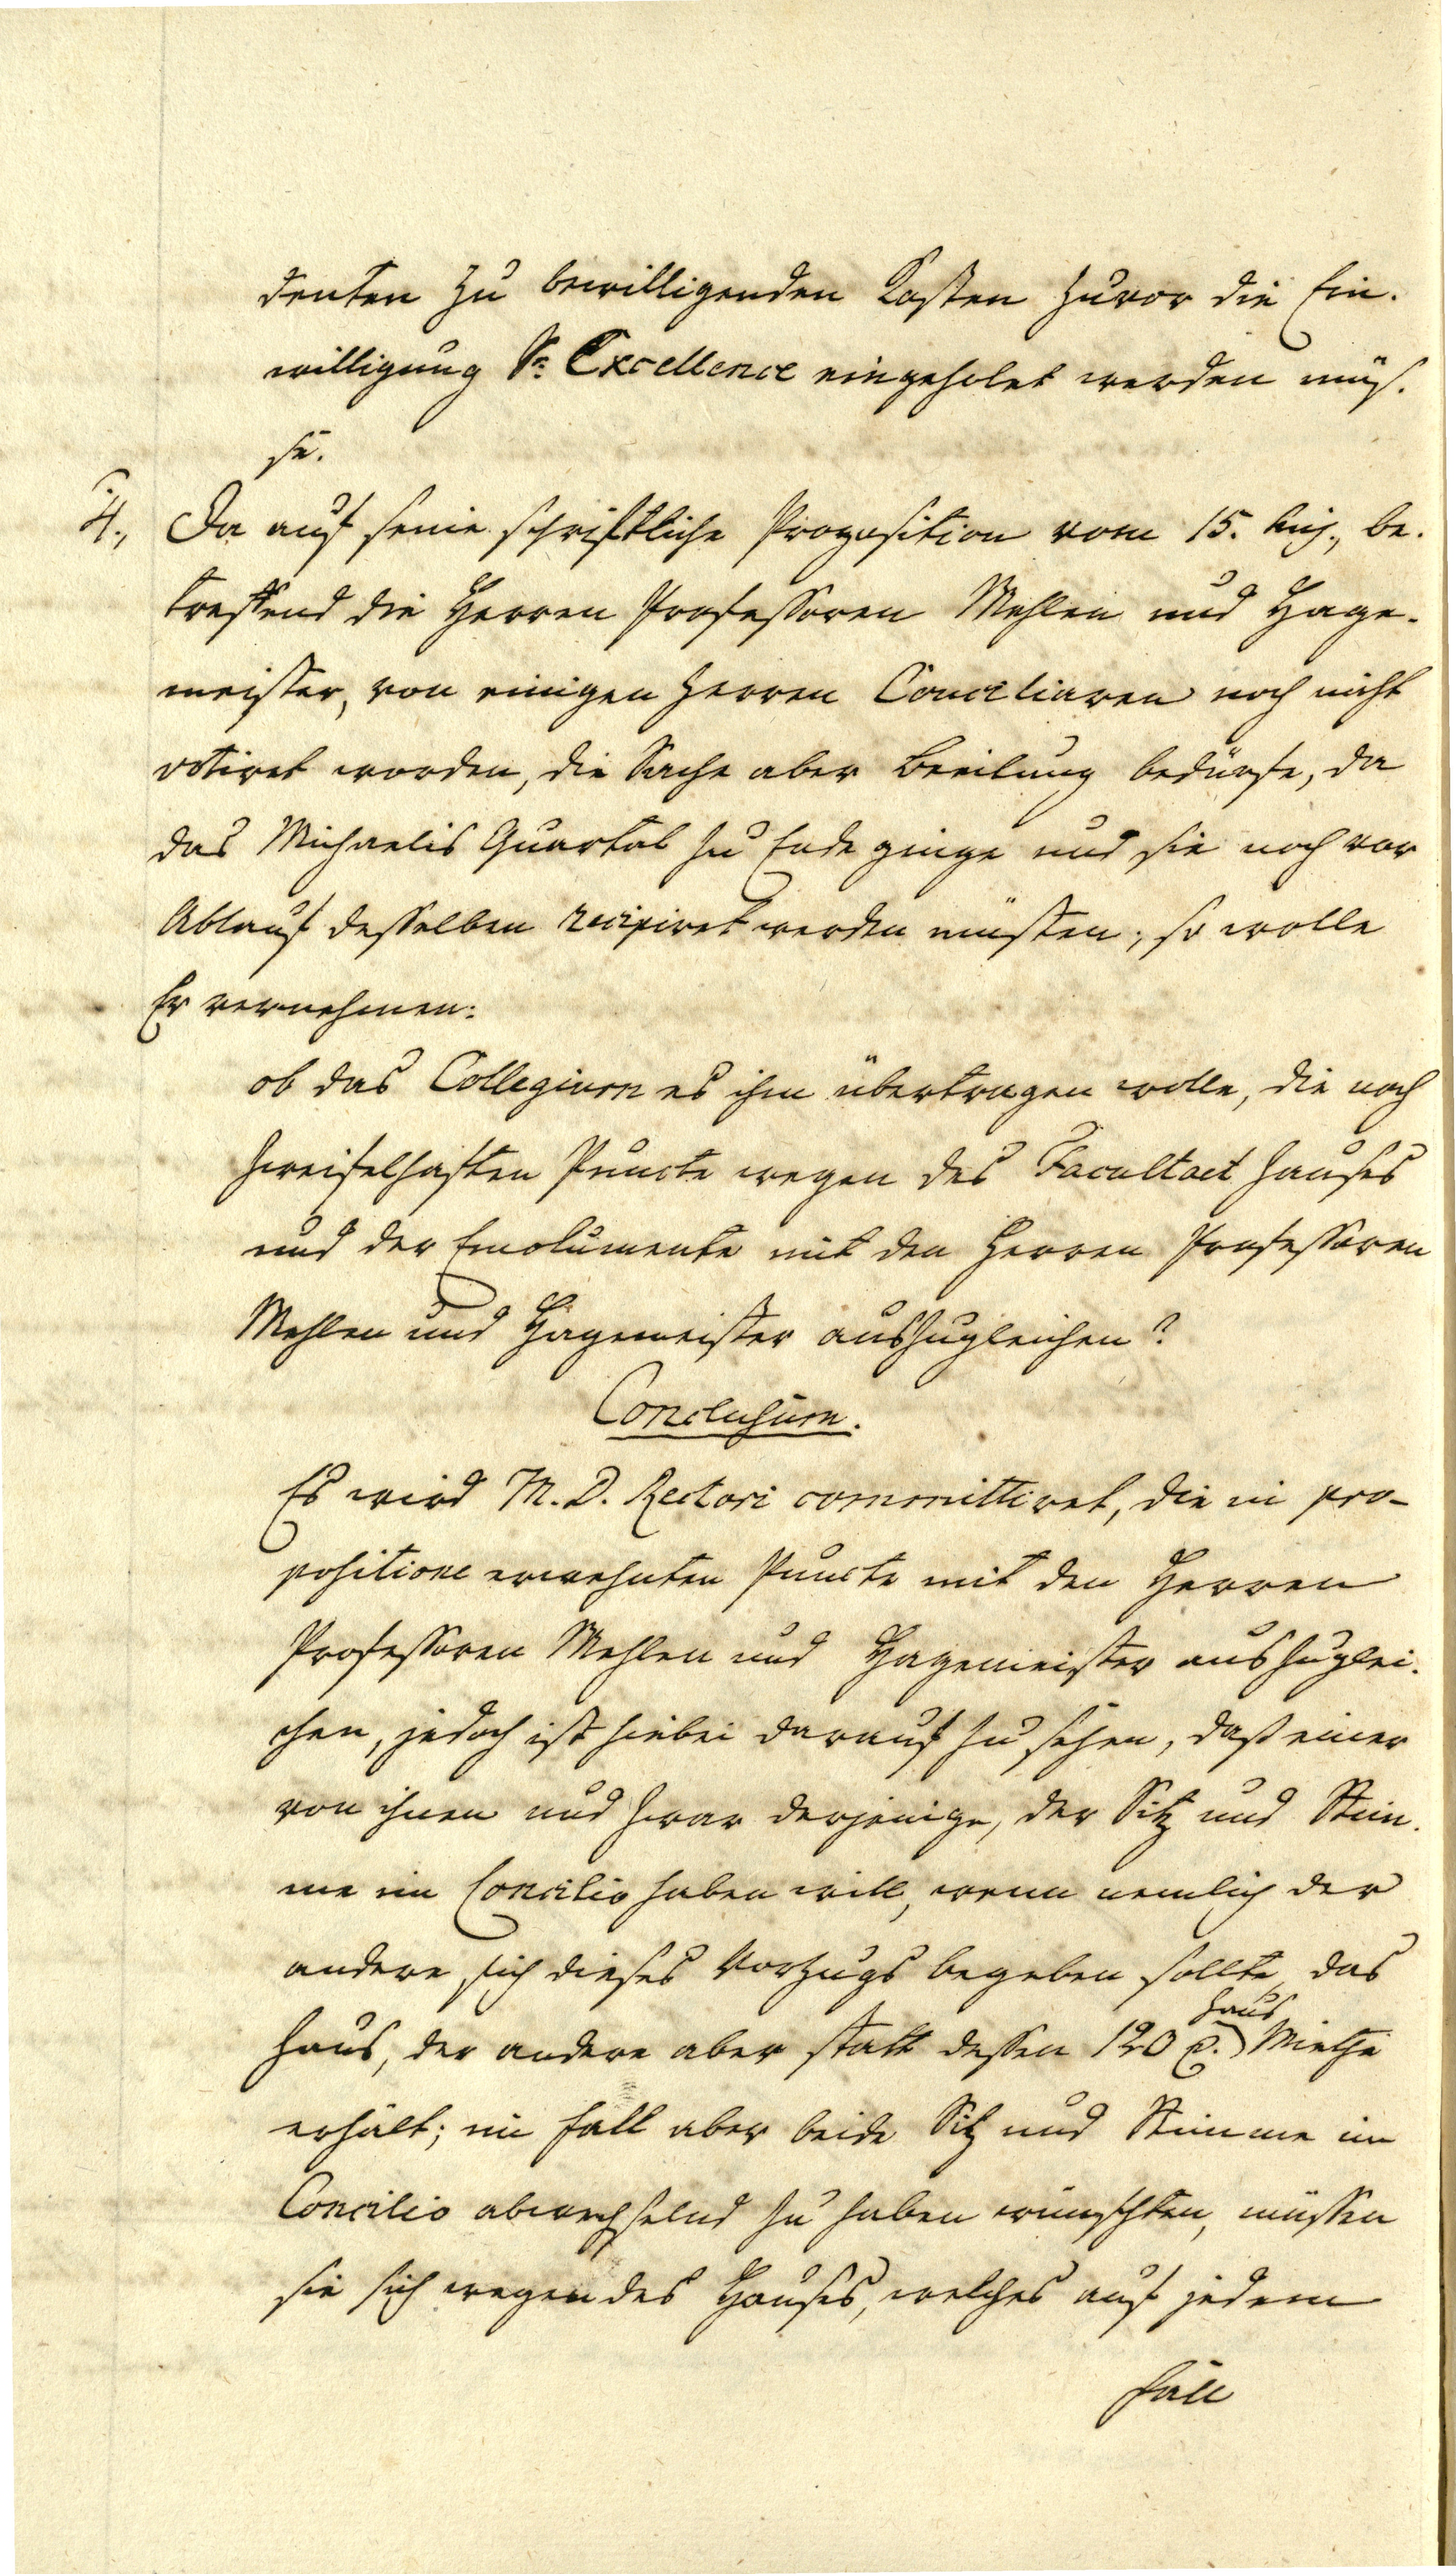denten zu bewilligenden Kosten zuvor die Ein¬
willigung Sr. Excellence eingeholet werden müs¬
se.
4., Da auf seine schriftliche Proposition vom 15. huj., be¬
treffend die Herren Professoren Mehlen und Hage¬
meister, von einigen Herren Conciliaren noch nicht
votiret worden, die Sache aber Beeilung bedürfe, da
das Michaelis Quartal zu Ende ginge und sie noch vor
Ablauf desselben recipiret werden müßten, so wolle
Er vernehmen:
ob das Collegium es ihm übertragen wolle, die noch
zweifelhaften Puncte wegen des Facultaet Hauses
und der Emolumente mit den Herren Professoren
Mehlen und Hagemeister auszugleichen?
Conclusum.
Es wird M. D. Rectori committiret, die in pro¬
positione erwehnten Puncte mit den Herren
Professoren Mehlen und Hagemeister auszuglei¬
chen, jedoch ist hiebei darauf zu sehen, daß einer
von ihnen und zwar derjenige, der Sitz und Stim¬
me im Concilio haben will, wenn nemlich der
andere sich dieses Vorzugs begeben sollte, das
Haus, der andere aber statt dessen 120 l. Haus Miethe
erhält, im Fall aber beide Sitz und Stimme im
Concilio abwechselnd zu haben wünschten, müssen
sie sich wegen des Hauses, welches auf jedem
Fall